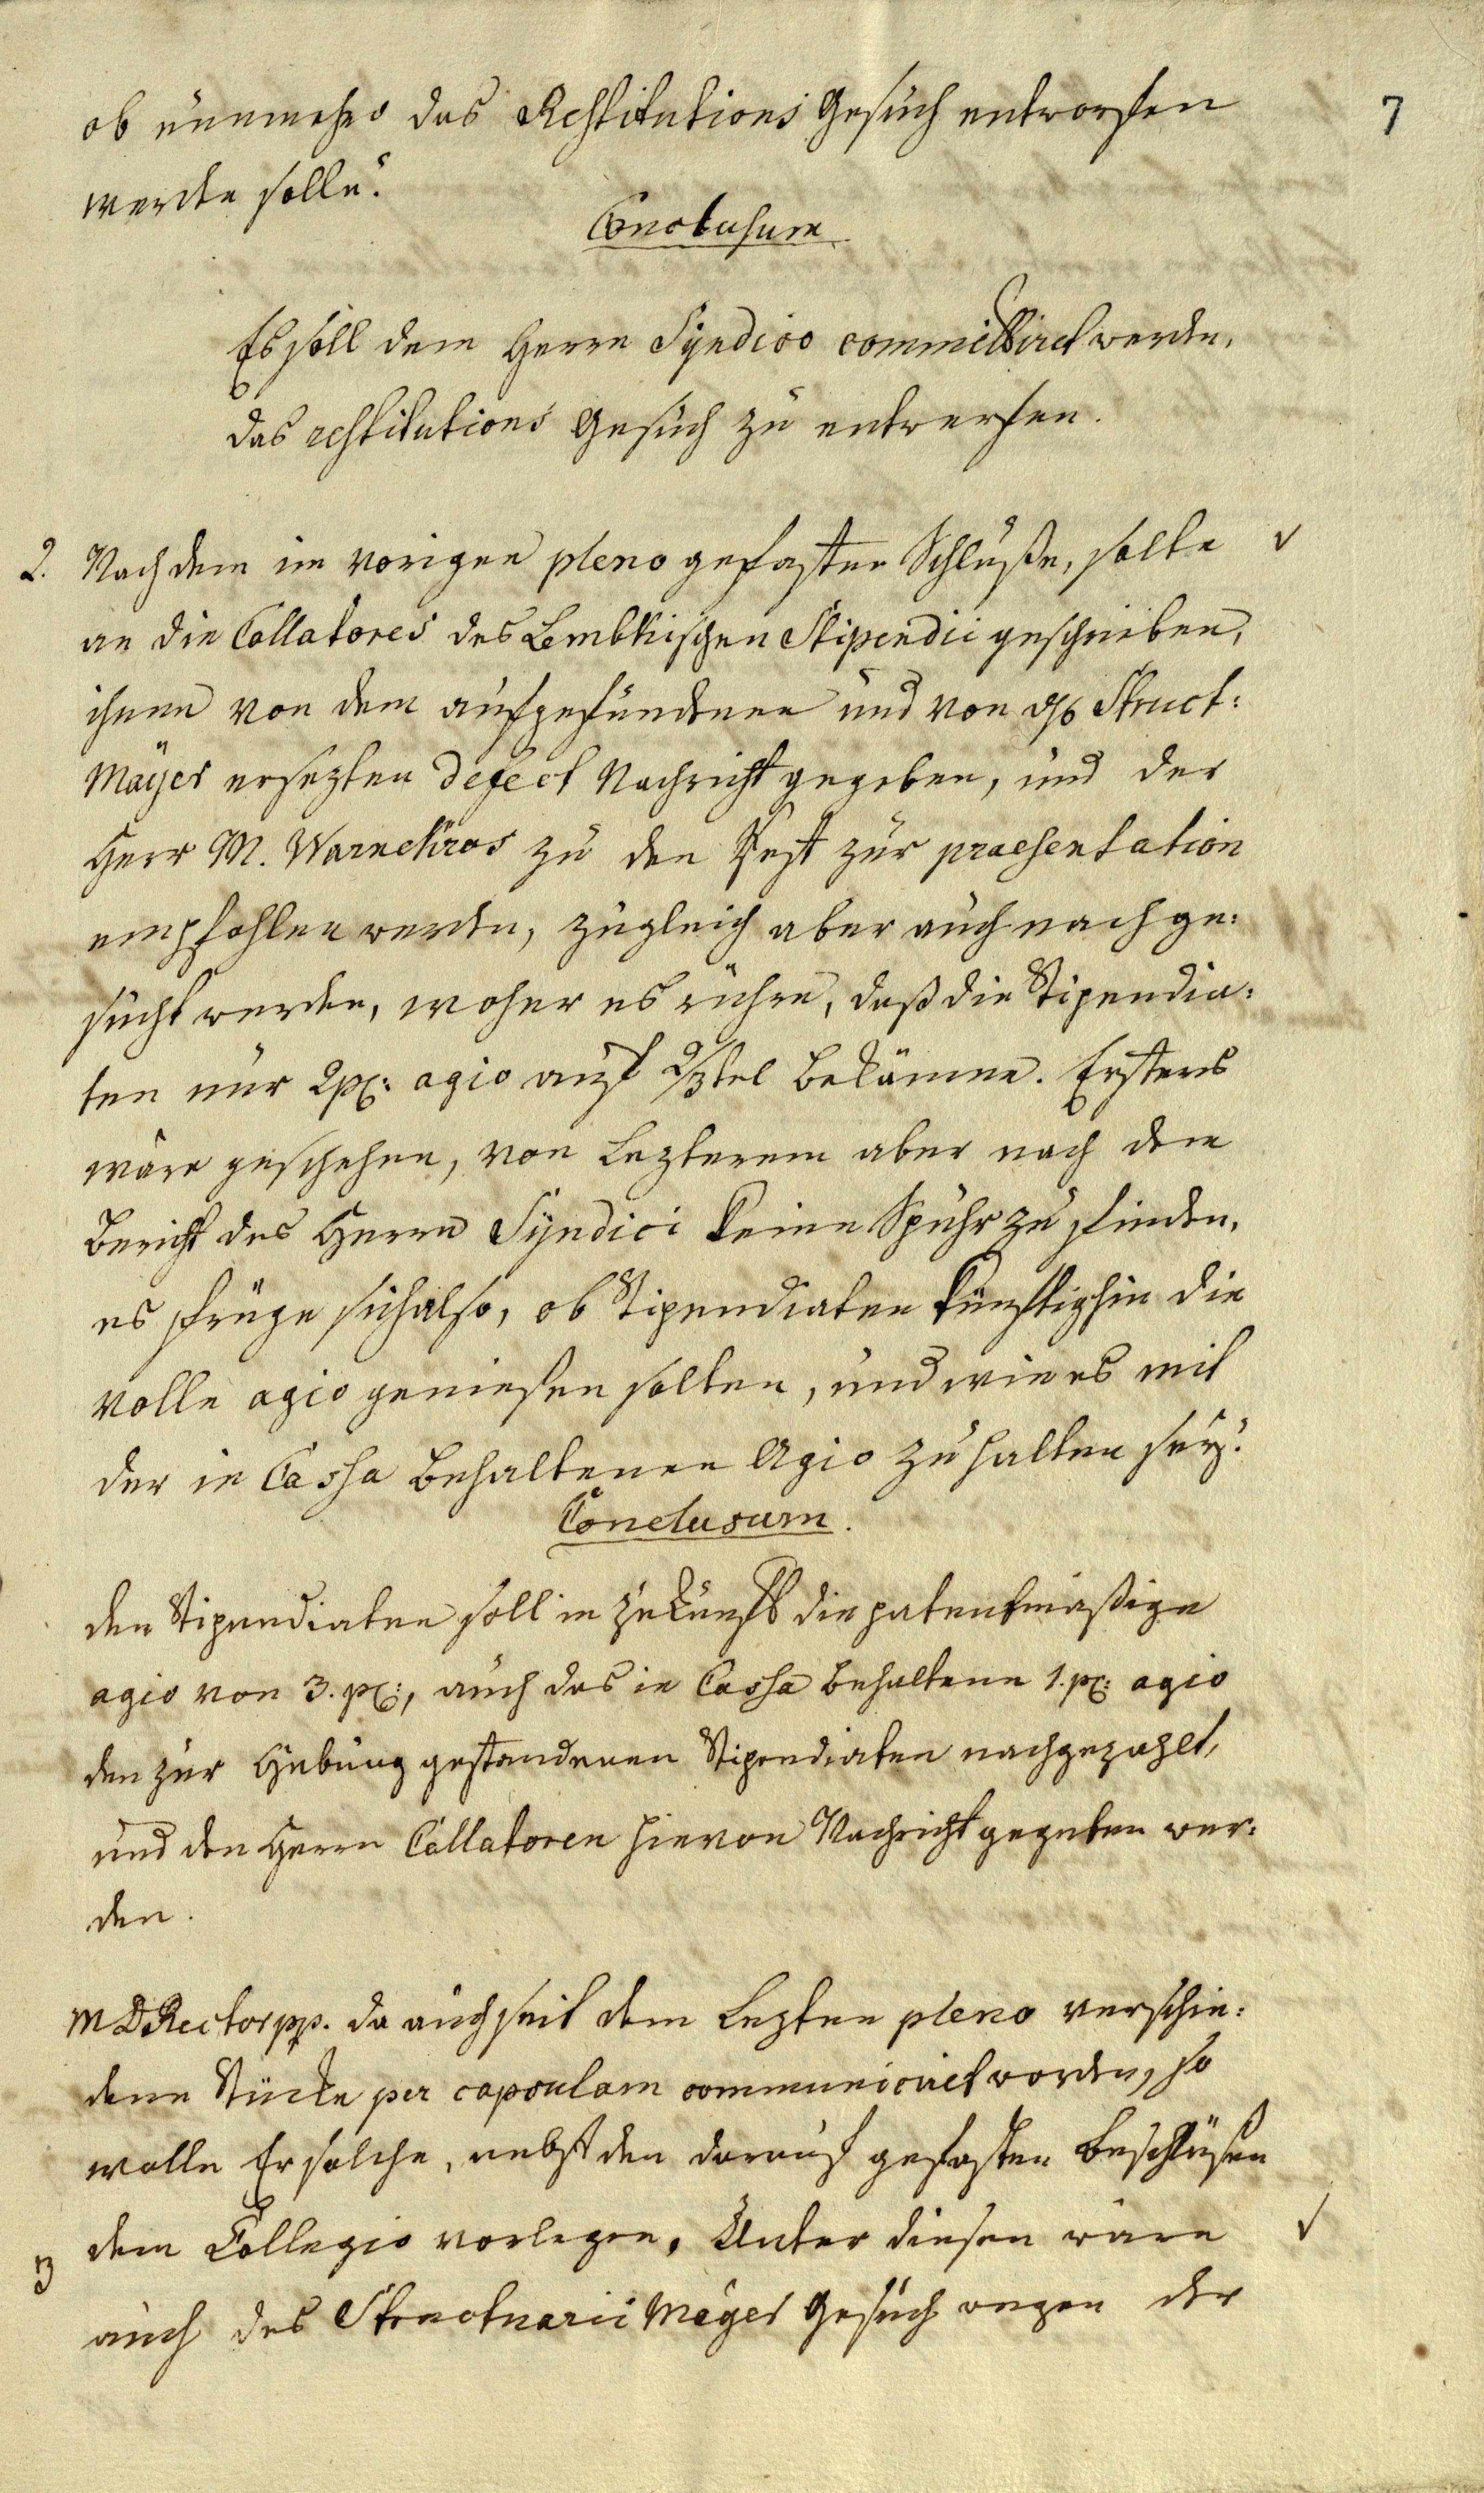ob nunmehro das Restitutions Gesuch entworfen
werden solle?
Conclusum
Es soll dem Herrn Sÿndico commitiret werden,
das restitutions Gesuch zu entwerfen.
2. Nach dem im vorigen pleno gefsten Schluße, solte
an die Collatores des Lembkischen Stipendii geschrieben,
ihnen von dem aufgefundenen und von dh Struct.
Maÿer ersezten defect Nachricht gegeben, und der
Herr M. Warnekros zu den Rest zur praesentation
empfohlen werden, zugleich aber auch nachge¬
sucht werden, woher es rühre, daß die Stipendia¬
ten nur 2 p. agio auf ²/³ tel bekämen. Erstens
wäre geschehen, von Lezteren aber nach dem
Bericht des Herrn Sÿndici keine Spuhr zu finden,
es früge sich also, ob Stipendiaten künftighin die
volle agio genießen solten, und wie es mit
der in Cassa behaltenen Agio zu halten seÿ?
Conclusum
Den Stipendiaten soll in Zukunft die patentmäßige
agio von 3 p., auch das in Cassa behaltene 1p. agio
den zur Hebung gestandenen Stipendiaten nachgezahlt,
und den Herrn Collatoren hievon Nachricht gegeben wer¬
den.
M. D. Rector pp. da auch seit dem lezten pleno verschie¬
dene Stücke per capsulam communiciret worden, so
wolle Er solche, nebst den darauf gefasten Beschlüßen
3 dem Collegio vorlegen. Unter diesen wäre
auch des Structuarii Maÿer Gesuch wegen der